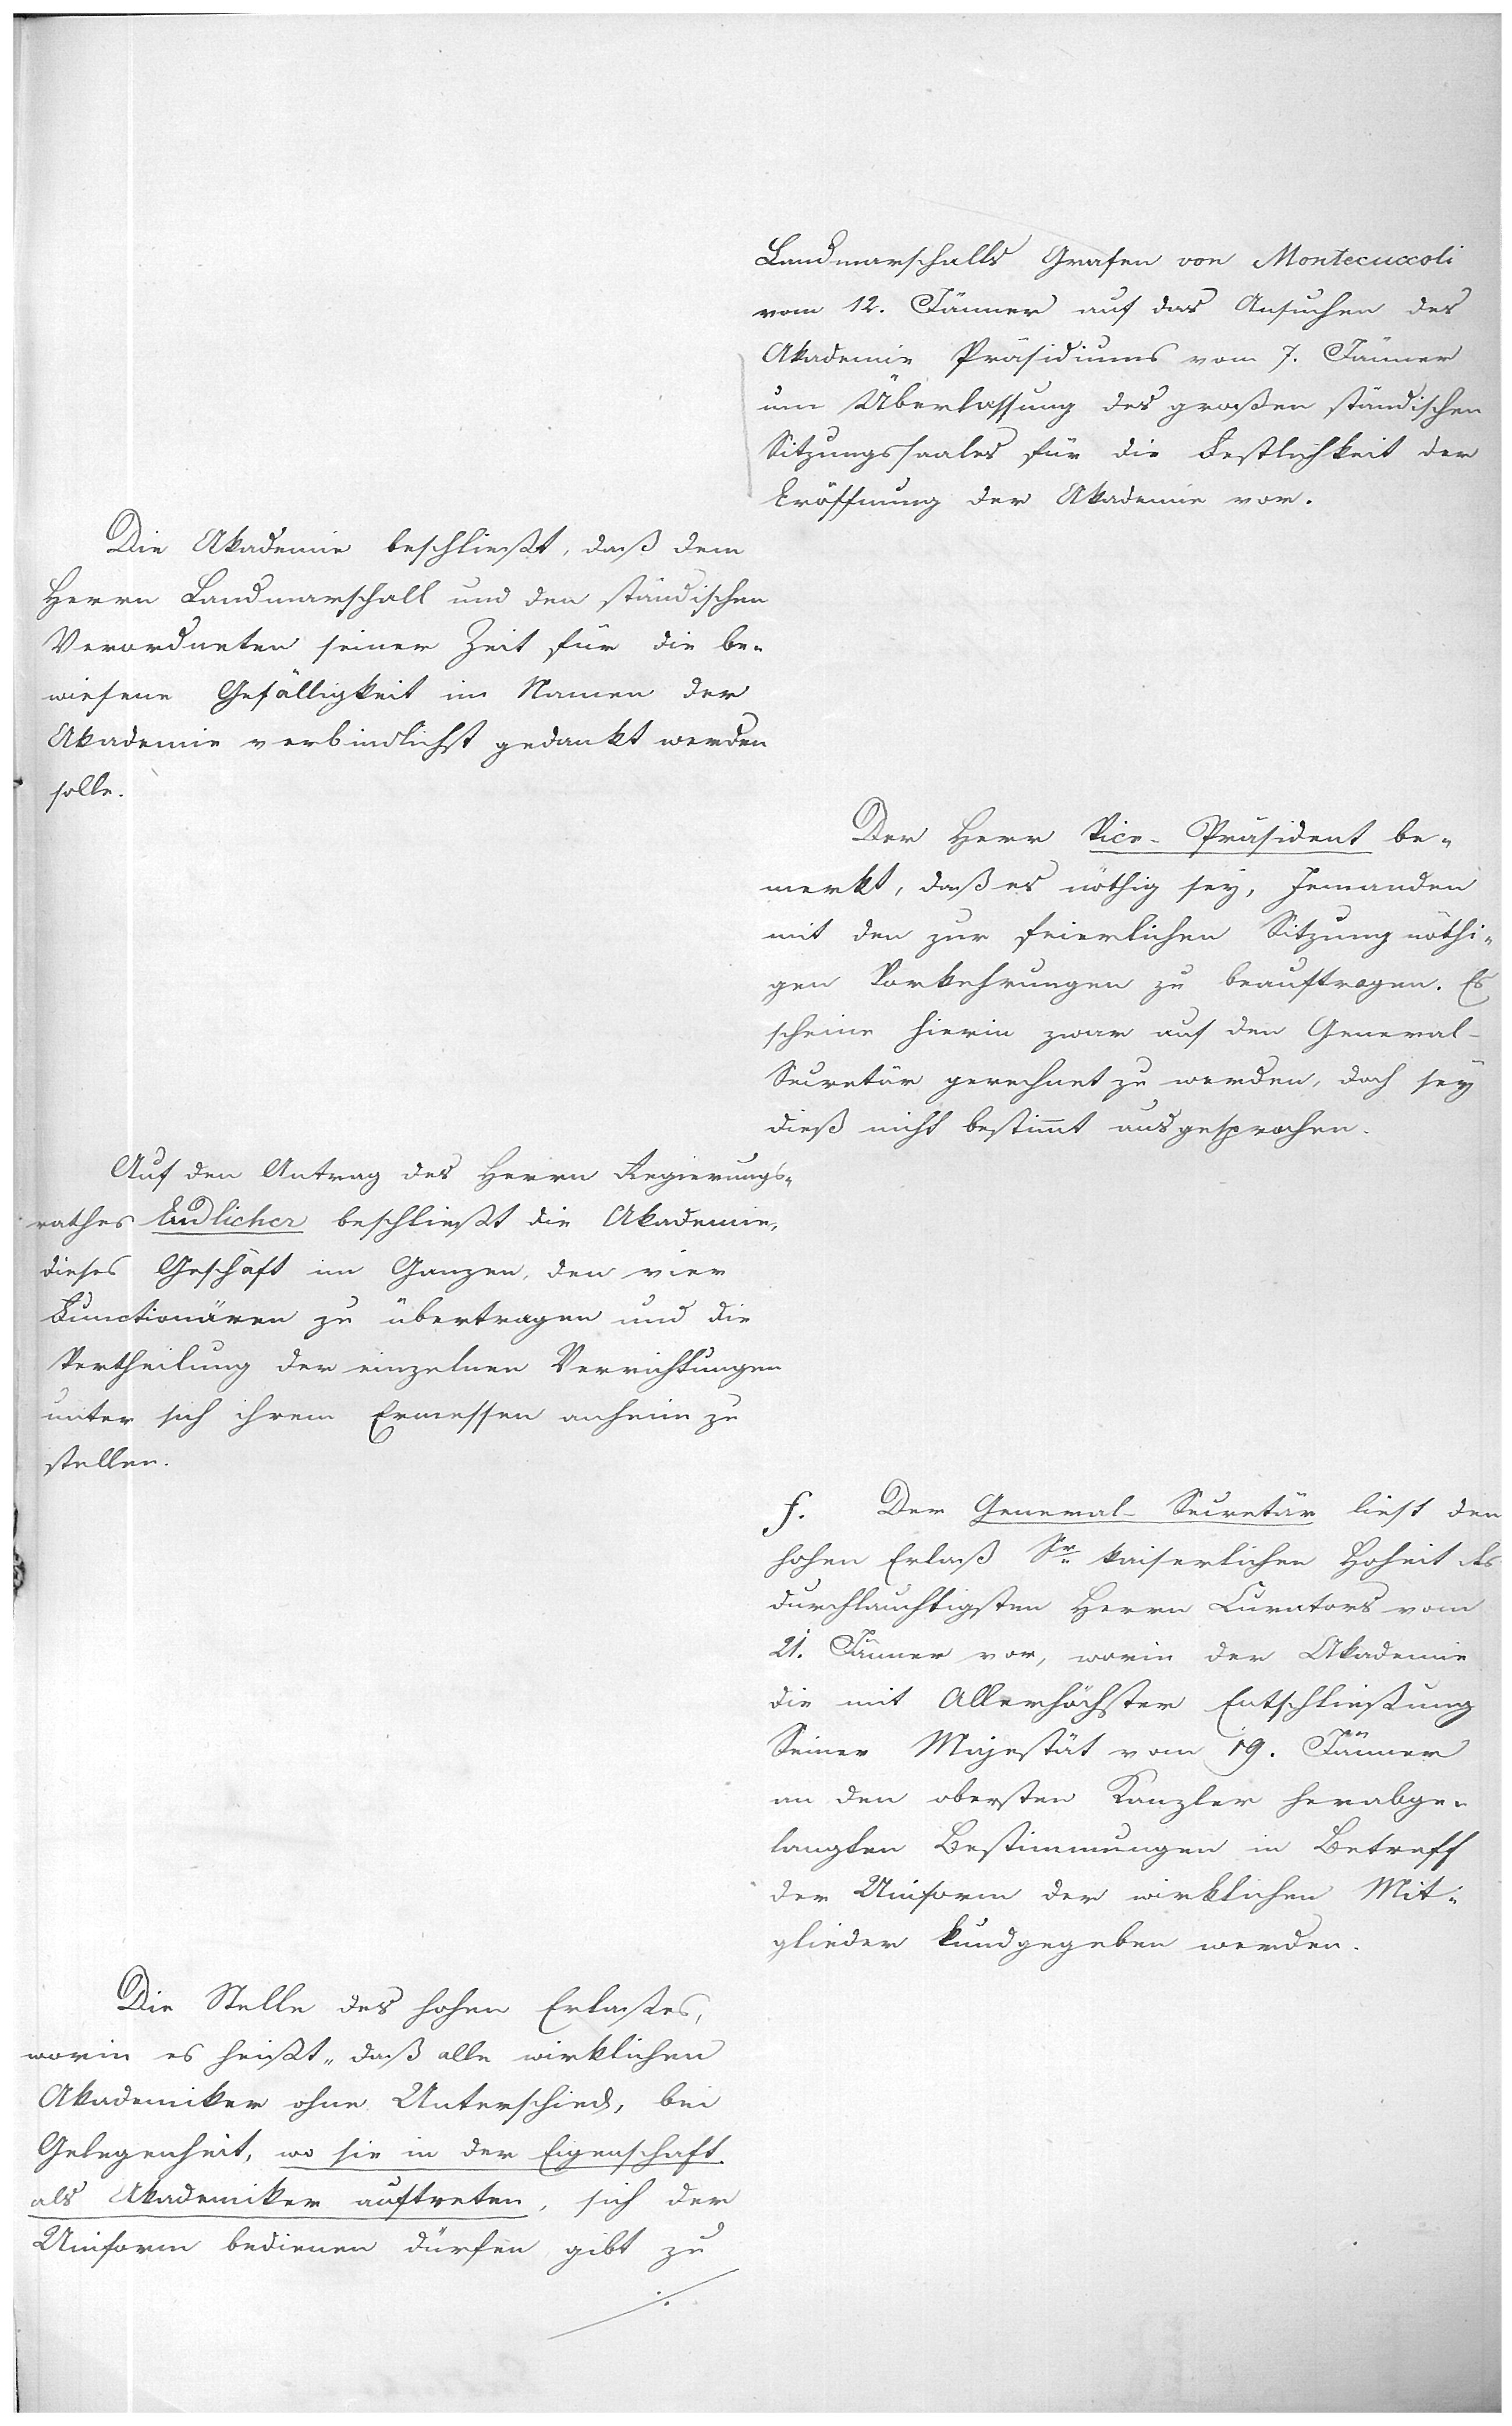Landmarschall Grafen von Montecuccoli
vom 12. Jänner aut das Ansuchen des
Akademie-Präsidiums vom 7. Jänner
um Überlassung des großen ständischen
Sitzungsaales für die Festlichkeit der
Eröffnung der Akademie vor.
Die Akademie beschließt, daß dem
Herrn Landmarschall und den ständischen
Verordneten seiner Zeit für die be-
wiesene Gefälligkeit im Namen der
Akademie verbindlichst gedankt werden
solle
Der Herr Vice-Präsident be-
merkt, daß es nöthig sey, Jemanden
mit den zur feierlichen Sitzung nöthi-
gen Vorkehrungen zu beauftragen. Es
scheine hierin zwar auf den General-
Secretär gerechnet zu werden, doch sey
dieß nicht bestimmt ausgesprochen.
Auf den Antrag des Herrn Regierungs-
rathes Endlicher beschließt die Akademie,
dieses Geschäft im Ganzen, den vier
Functionären zu übertragen und die
Vertheilung der einzelnen Verrichtungen
unter sich ihrem Ermessen anheim zu
stellen.
f. Der General-Secretär liest den
hohen Erlaß Sr. kaiserlichen Hoheit des
durchlauchtigsten Herrn Curators vom
21. Jänner vor, worin der Akademie
die mit Allerhöchster Entschließung
Seiner Majestät vom 19. Jänner
an den obersten Kanzler herabge-
langten Bestimmungen im Betreffe
der Uniform der wirklichen Mit-
glieder kundgegeben werden.
Die Stelle des hohen Erlaßes,
worin es heißt, daß alle wirklichen
Akademiker ohne Unterschied, bei
Gelegenheit, wo sie in der Eigenschaft
als Akademiker auftreten, sich der
Uniform bedienen dürfen, gibt zu